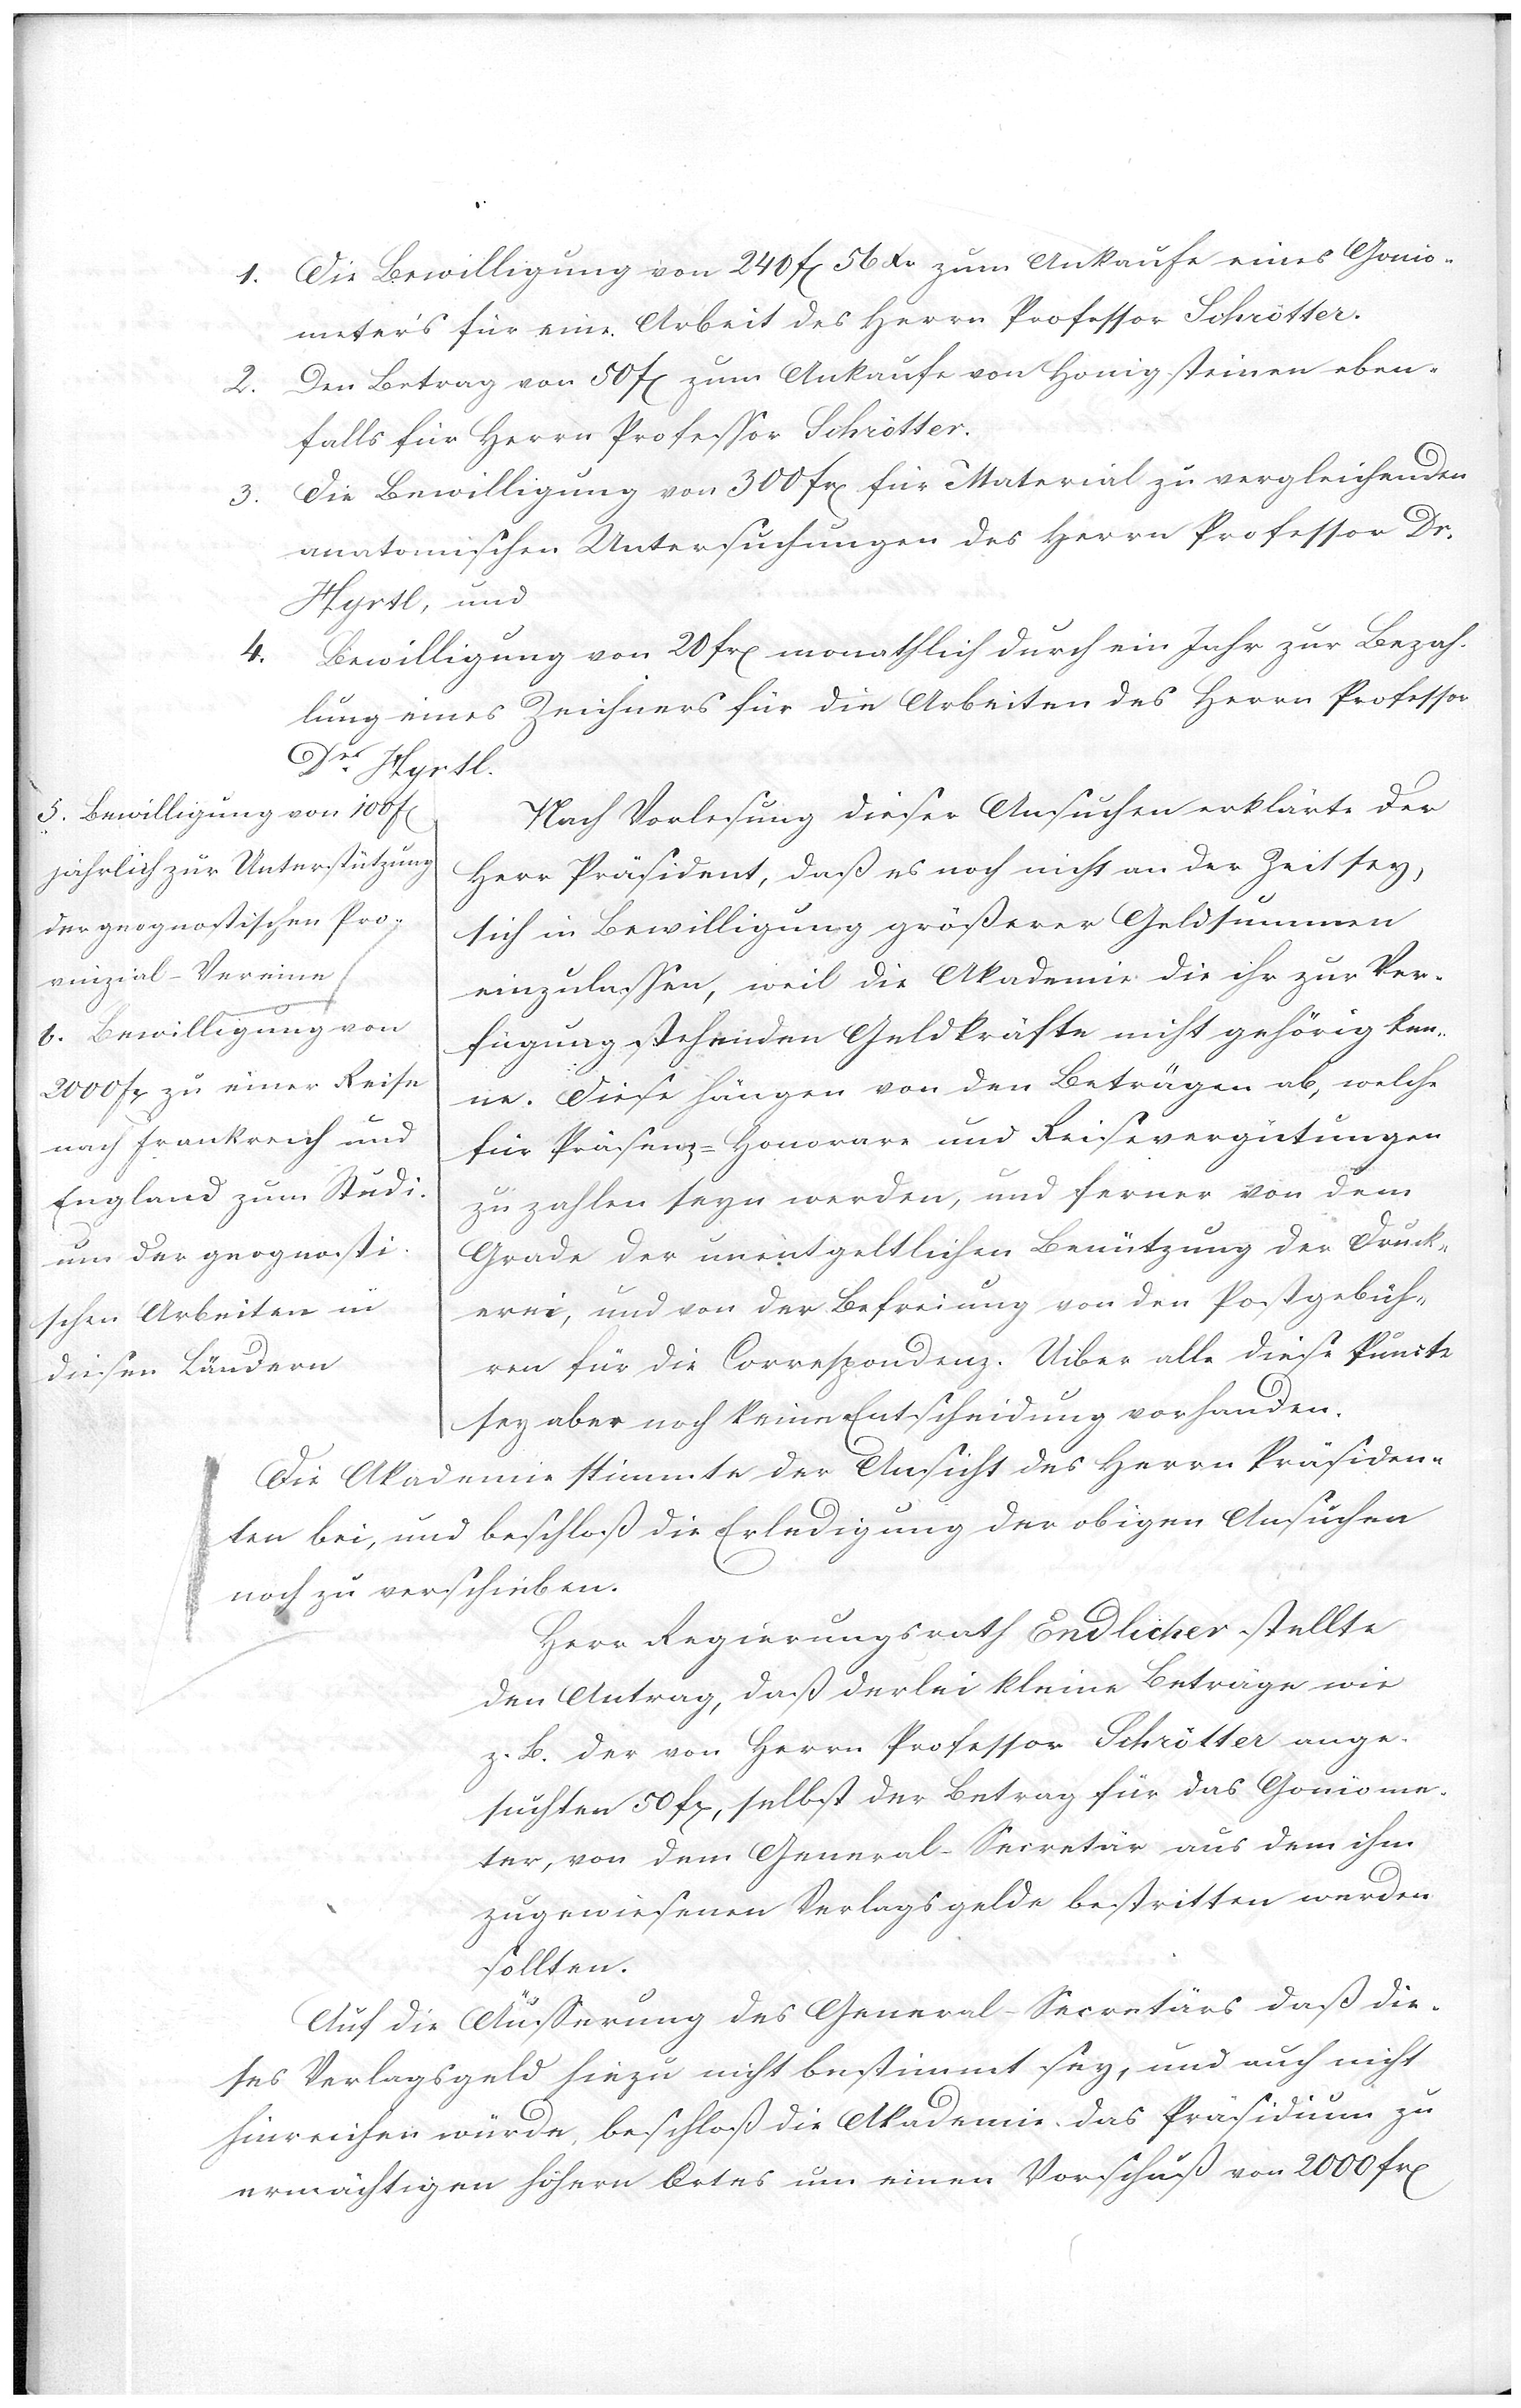1. Die Bewilligung von 240 fl 56 Kr zum Ankaufe eines Gonio-
meters für eine Arbeit des Herrn Professor Schrötter.
2. Den Betrag von 50 fl zum Ankauf von Honigsteinen eben-
falls für Herrn Professor Schrötter.
3. Die Bewilligung von 300 fr für Material zu vergleichenden
anatomischen Untersuchungen des Herrn Professor Dr.
Hyrtl, und
4. Bewilligung von 20 fr monatlich durch ein Jahr zur Bezah-
lung eines Zeichners für die Arbeiten des Herrn Professor
Dr. Hyrtl.
5. Bewilligung von 100 fl
jährlich zur Unterstützung
der geognostischen Pro-
vinzial-Vereine
6. Bewilligung von
2000 fr zu einer Reise
nach Frankreich und
England zum Studi-
um der geognosti-
schen Arbeiten in
diesen Ländern.
Nach Vorlesung dieser Ansuchen erklärte der
Herr Präsident, daß es noch nicht an der Zeit sey,
sich in Bewilligung größerer Geldsummen
einzulassen, weil die Akademie die ihr zur Ver-
fügung stehenden Geldkräfte nicht gehörig ken-
ne. Diese hängen von den Beträgen ab, welche
für Präsenz-Honorare und Reisevergütungen
zu zahlen seyn werden, und ferner von dem
Grade der unentgeltlichen Benützung der Druck-
erei, und von der Befreiung von den Postgebüh-
ren für die Correspondenz. Uiber alle diese Puncte
sey aber noch keine Entscheidung vorhanden.
Die Akademie stimmte der Ansicht des Herrn Präsiden-
ten bei, und beschloß die Erledigung der obigen Ansuchen
noch zu verschieben.
Herr Regierungsrath Endlicher stellte
den Antrag, daß derlei kleine Beträge wie
z.B. der von Herr Professor Schrötter ange-
suchten 50 fr, selbst der Betrag für das Goniome-
ter, von dem General-Secretär aus dem ihm
zugewiesenen Verlagsgelde bestritten werden
sollten.
Auf die Äusserung des General-Secretärs daß die-
ses Verlagsgeld hiezu nicht bestimmt sey, und auch nicht
hinreichen würde, beschloß die Akademie das Präsidium zu
ermächtigen höhern Ortes um einen Vorschluß von 2000 fr